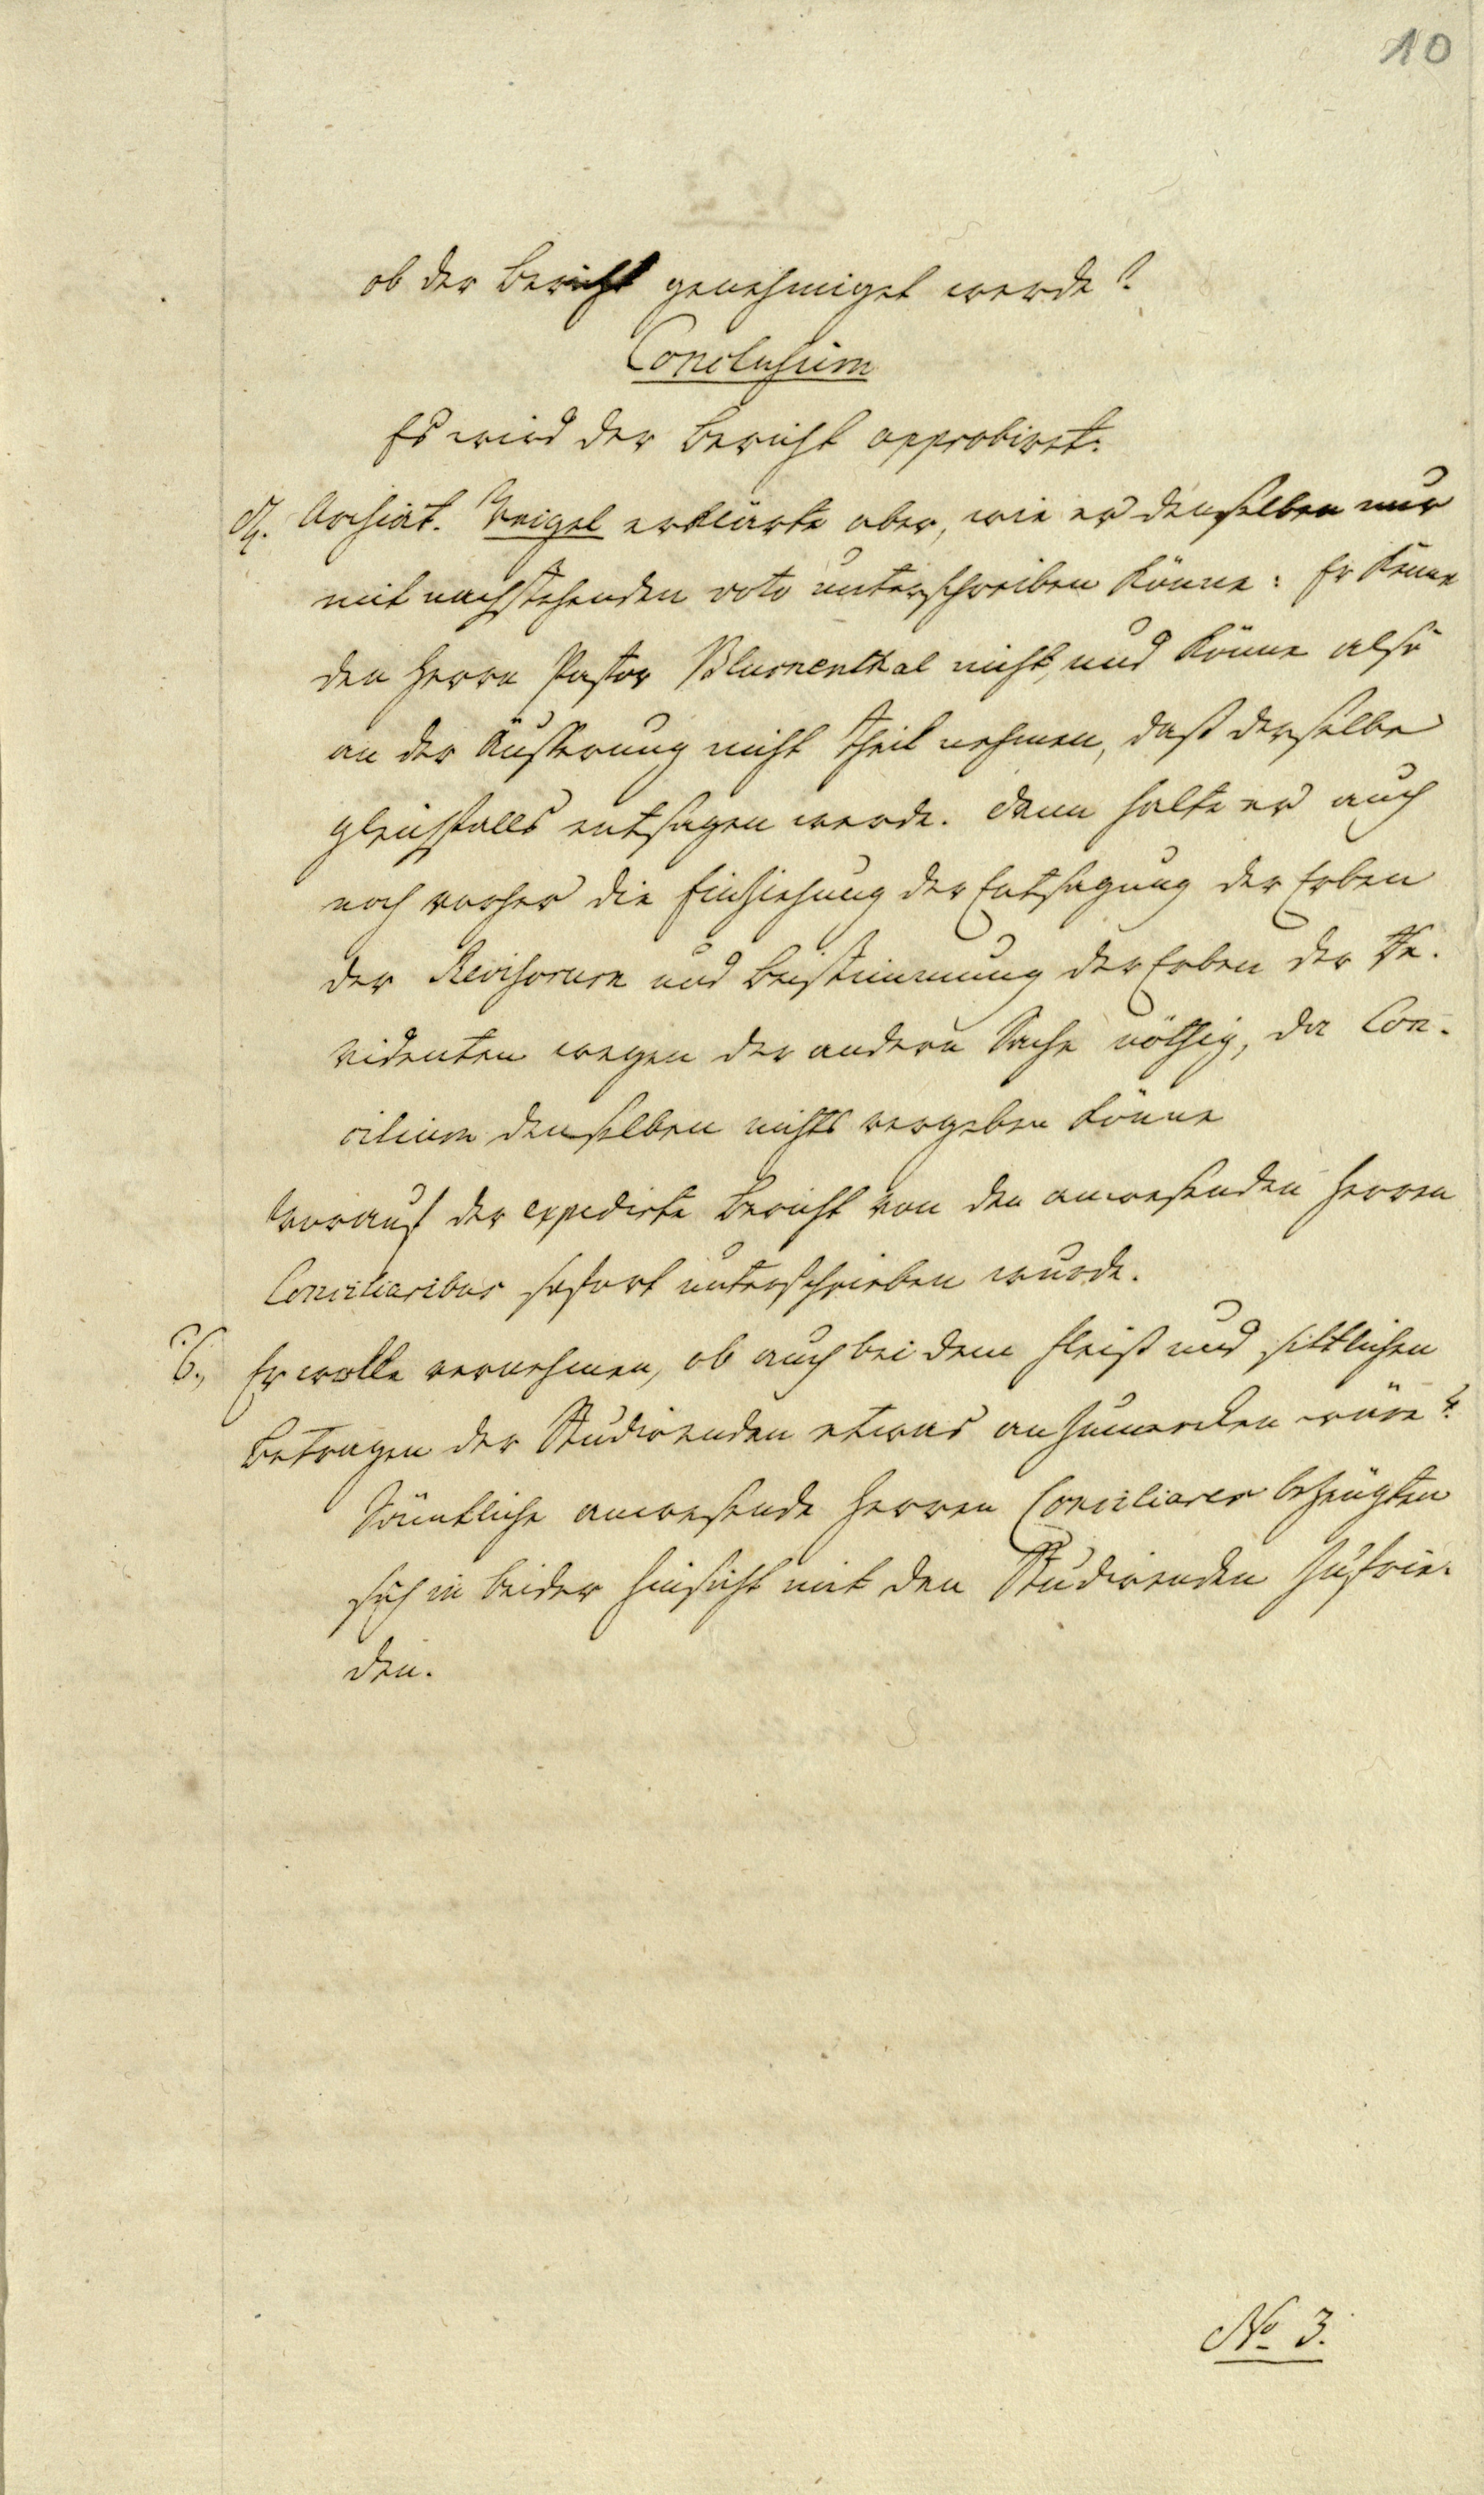ob der Bericht genehmiget werde!
Conclusum
Es wird der Bericht approbiret.
dh. Archiat. Weigel erklärte aber, wie er denselben nur
mit nachstehenden voto unterschreiben könne: Er kenne
den herrn Pastor Blumenthal nicht, und könne also
an der Äusserung nicht theil nehmen, daß derselbe
gleichfalls entsagen werde. Dann halte er auch
noch vorher die Einziehung der Entsagung der Erben
der Revisorum und Bestimmung der Erben der Re¬
videnten wegen der andern Sache nöthig, da Con¬
cilium denselben nichts vergeben könne.
Worauf der expedirte von den anwesenden Herren
Conciliaribus sofort unterschrieben wurde.
6., Er wolle vernehmen, ob auch bei dem Fleiß und sittlichen
Betragen der Studierenden etwas anzumercken wäre?
Sämtliche anwesende herren Conciliares bezeugten
sich in beider Hinsicht mit den Studierenden zufrie¬
den.